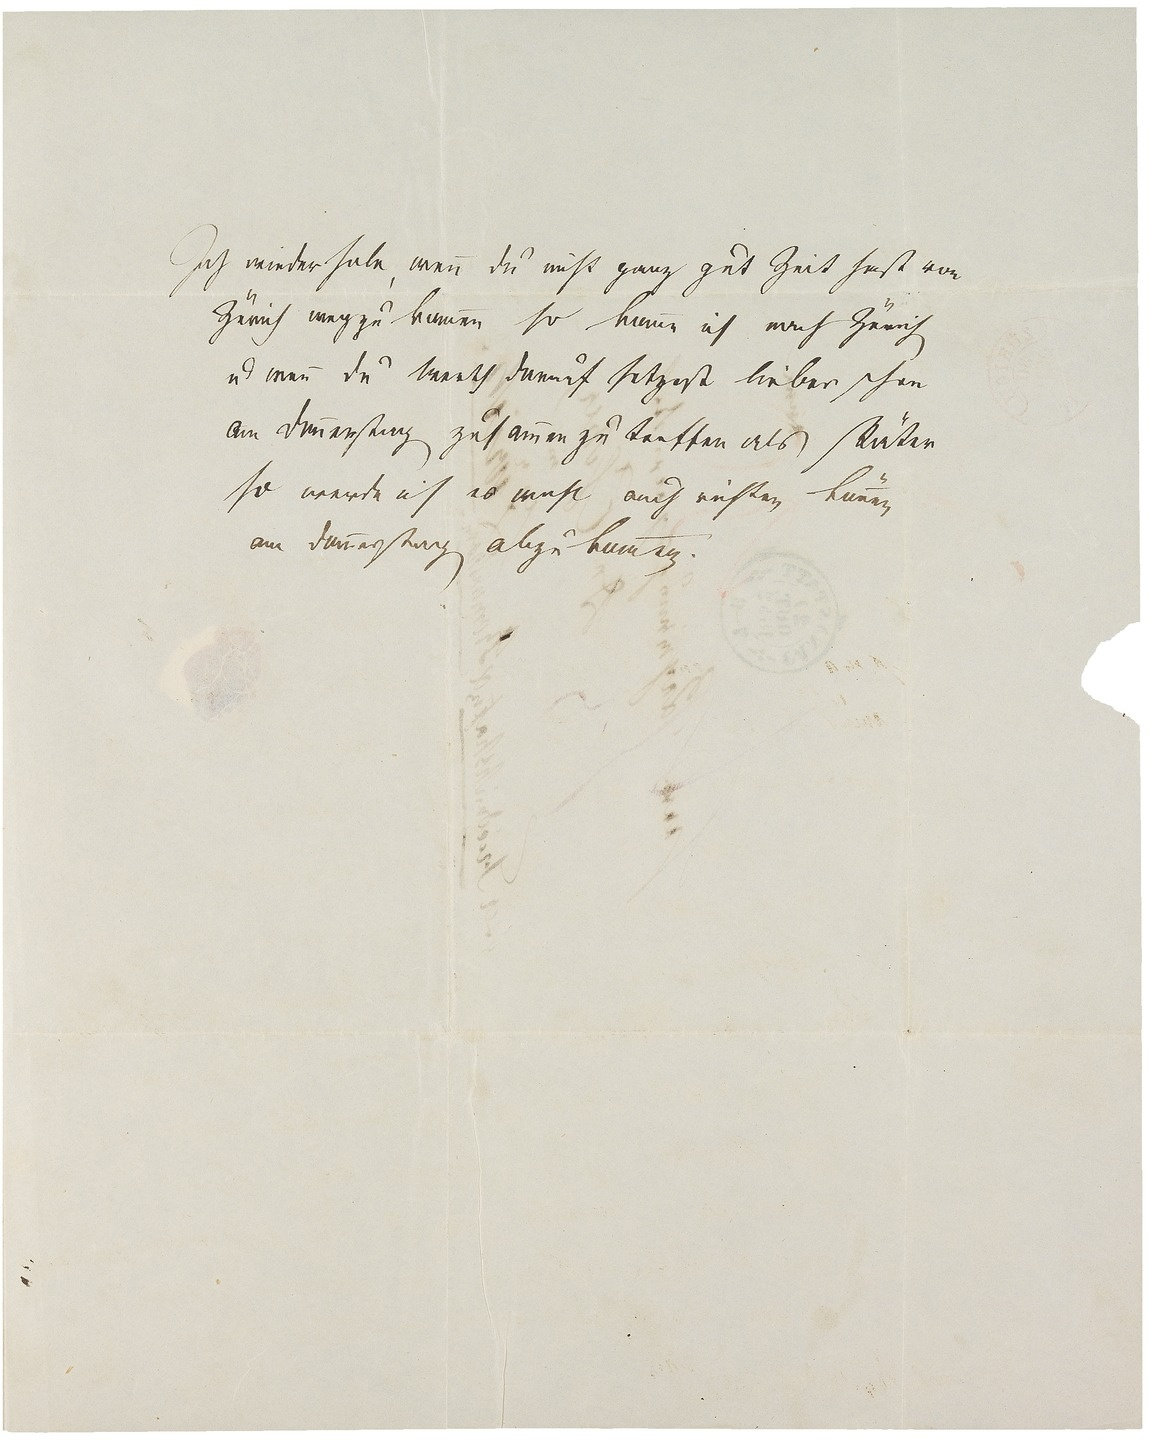Ich wiederhole, wenn Du nicht ganz gut Zeit hast von
Zürich wegzukommen so komme ich nach Zürich
u wenn Du Werth darauf setzest lieber schon
am Donnerstag zusammenzutreffen als später
so werde ich es wohl auch richten können
am Donnerstag abzukommen.